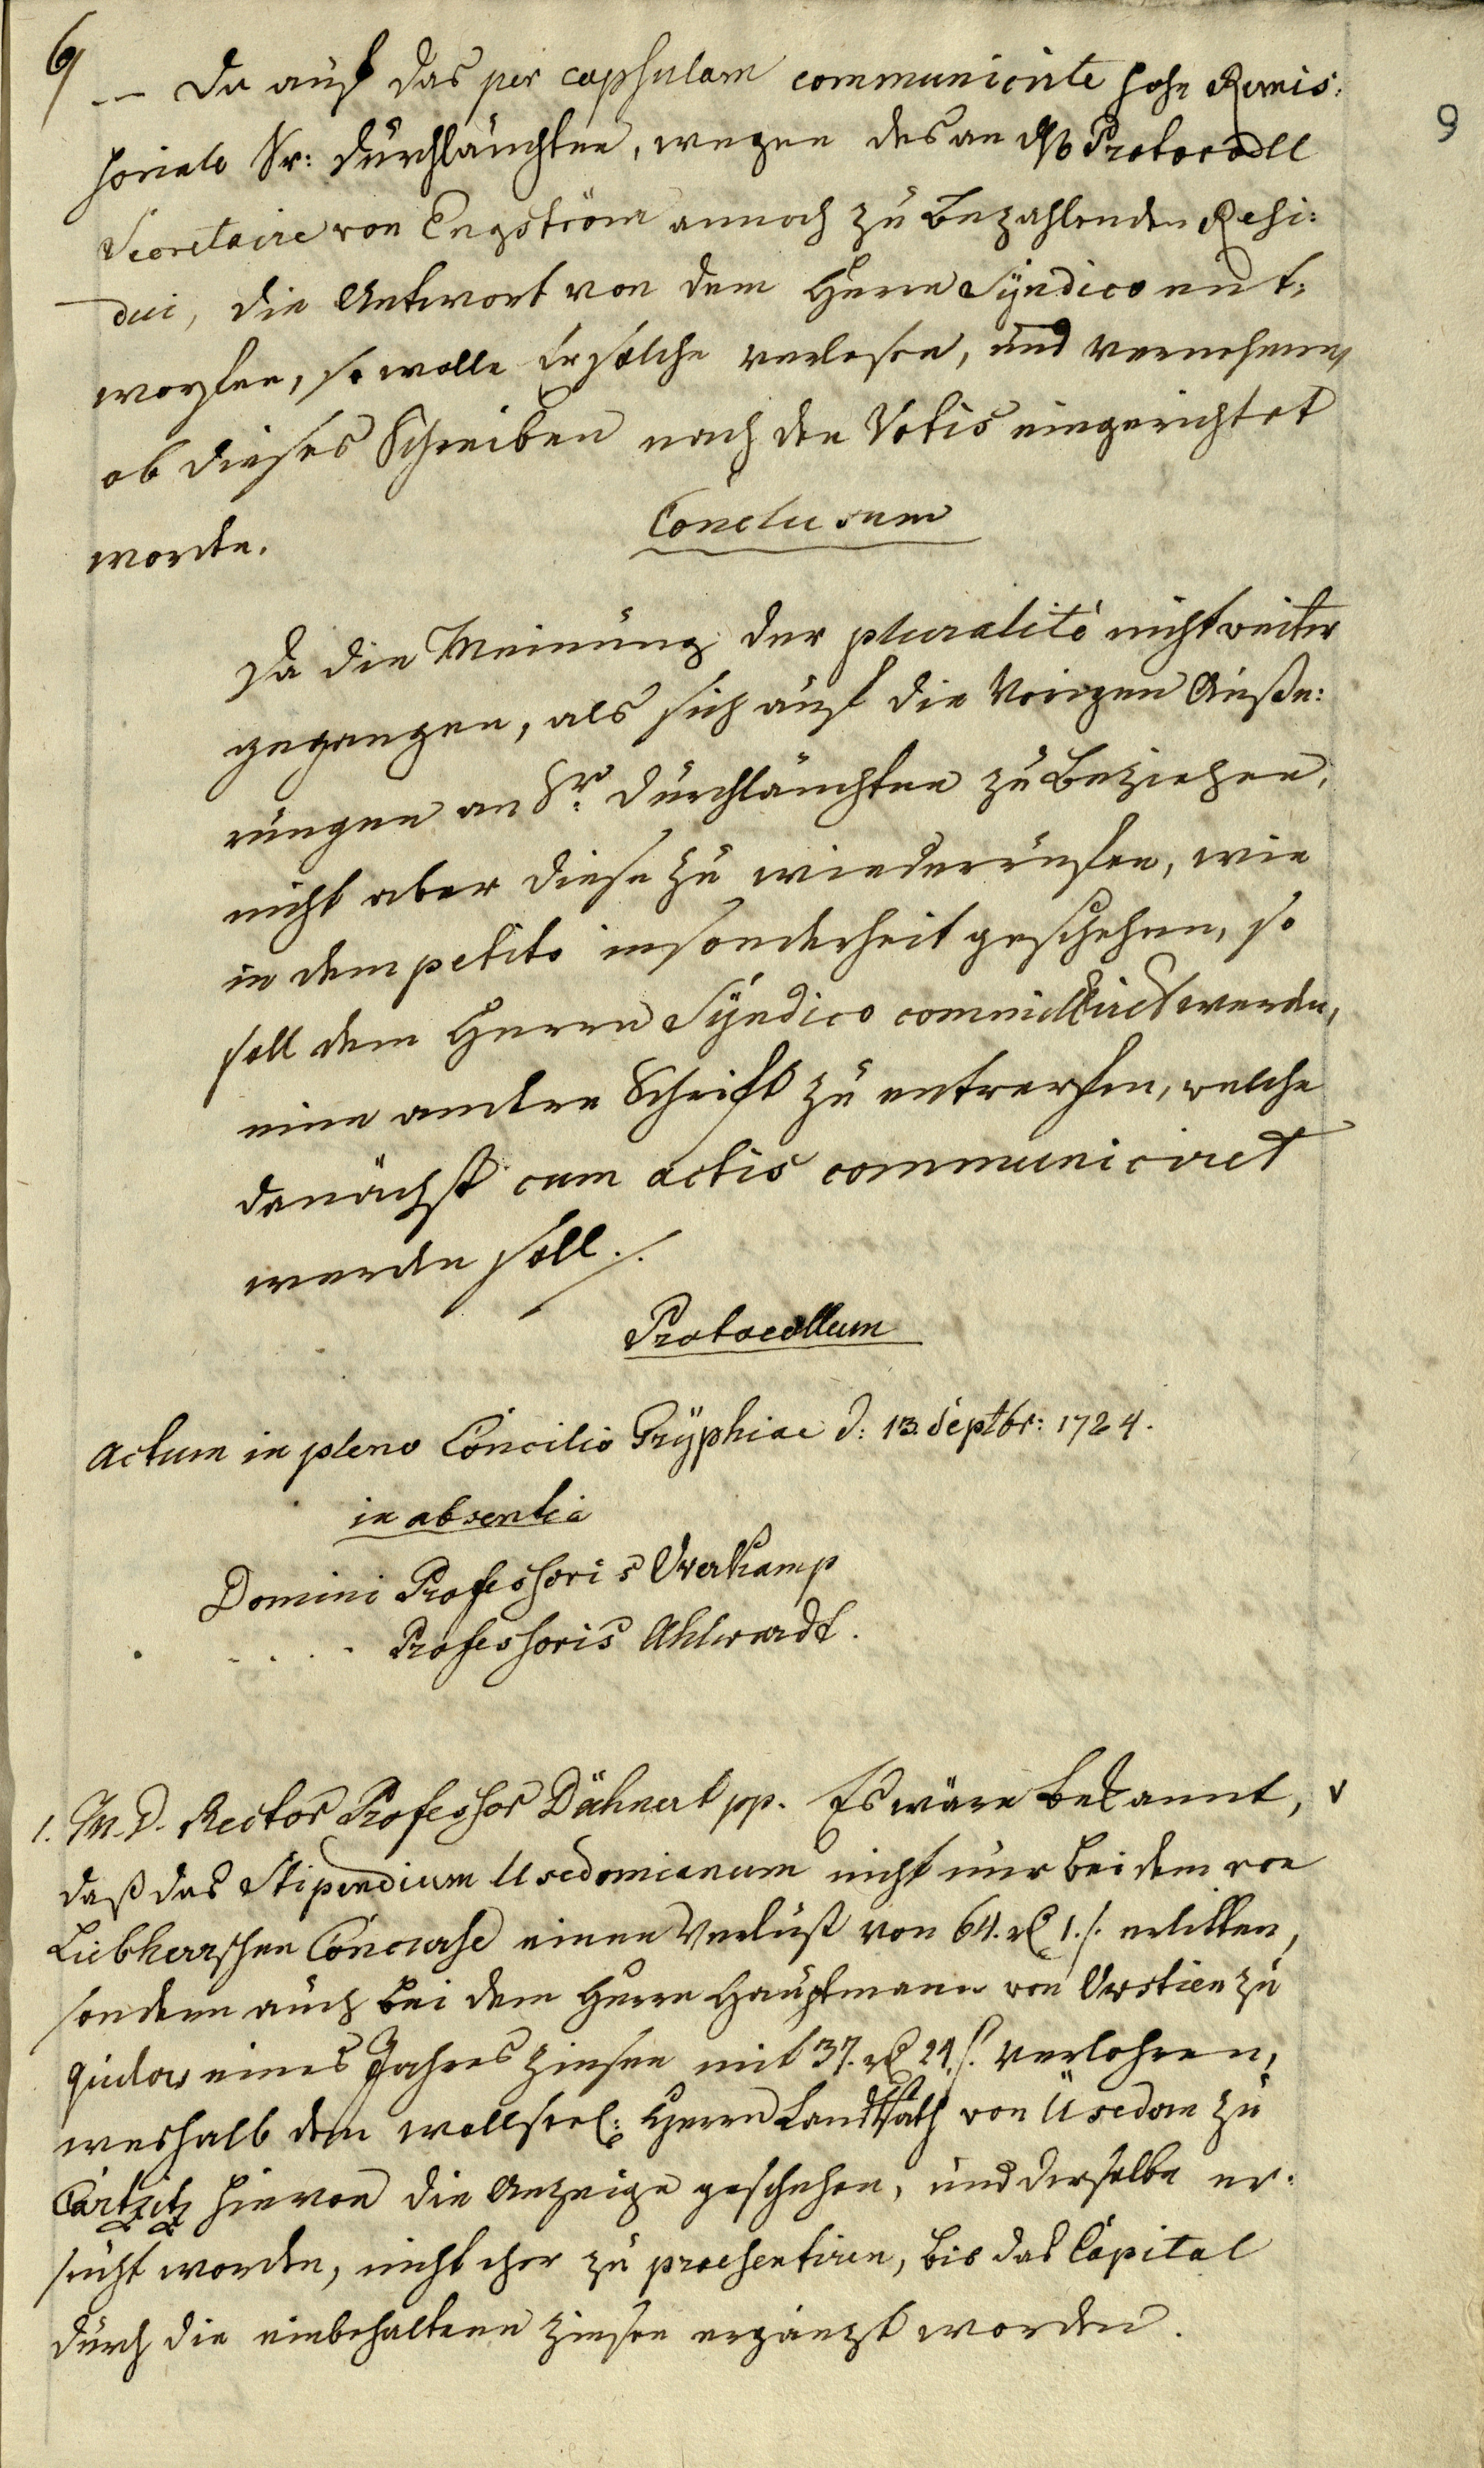6. Da auf das per capsulam communicirte hohe Remis¬
soriale Sr. Durchlauchten, wegen des an dh Protocoll
Secretaire von Engström annoch zu bezahlende Resi¬
dui, die Antwort von dem Herrn Sÿndico ent¬
worfen, so wolle Er solche verlesen, und vernehmen,
ob dieses Schreiben nach den Votis eingerichtet
worden. Conclusum
Da die Meinung der pluralitè nicht weiter
gegangen, als sich auf die vorigen Auße¬
rungen an Sr. Durchlauchten zu beziehen,
nicht aber diese zu wiederrufen, wie
in dem petito insonderheit geschehen, so
soll dem Herrn Sÿndico committiret werden,
eine andere Schrift zu entwerfen, welche
danächst cum actis communiciret
werden soll.
Protocollum
Actum in pleno Concilio Grÿphiae d. 13. Septbr. 1784.
in absentia
Domini Professoris Overkamp
Professoris Ahlwardt.
1. M. D. Rector Professor Dähnert pp. Es wäre bekannt,
daß das Stipendium Usedomianum nicht nur bei dem von
Liebherrschen Concurse einen Verlust von 64. r. 1.s. erlitten,
sondern auch bei dem Herrn Hauptmann von Owstien zu
Quilow eines Jahres Zinsen mit 37. r. 21. s. verlohren,
weshalb dem wollseel. Herrn Land Rath von Usedom zu
Cartzitz hievon die Anzeige geschehen, und derselbe er¬
sucht worden, nicht eher zu praesentiren, bis das Capital
durch die einbehaltene Zinsen ergänzt worden.